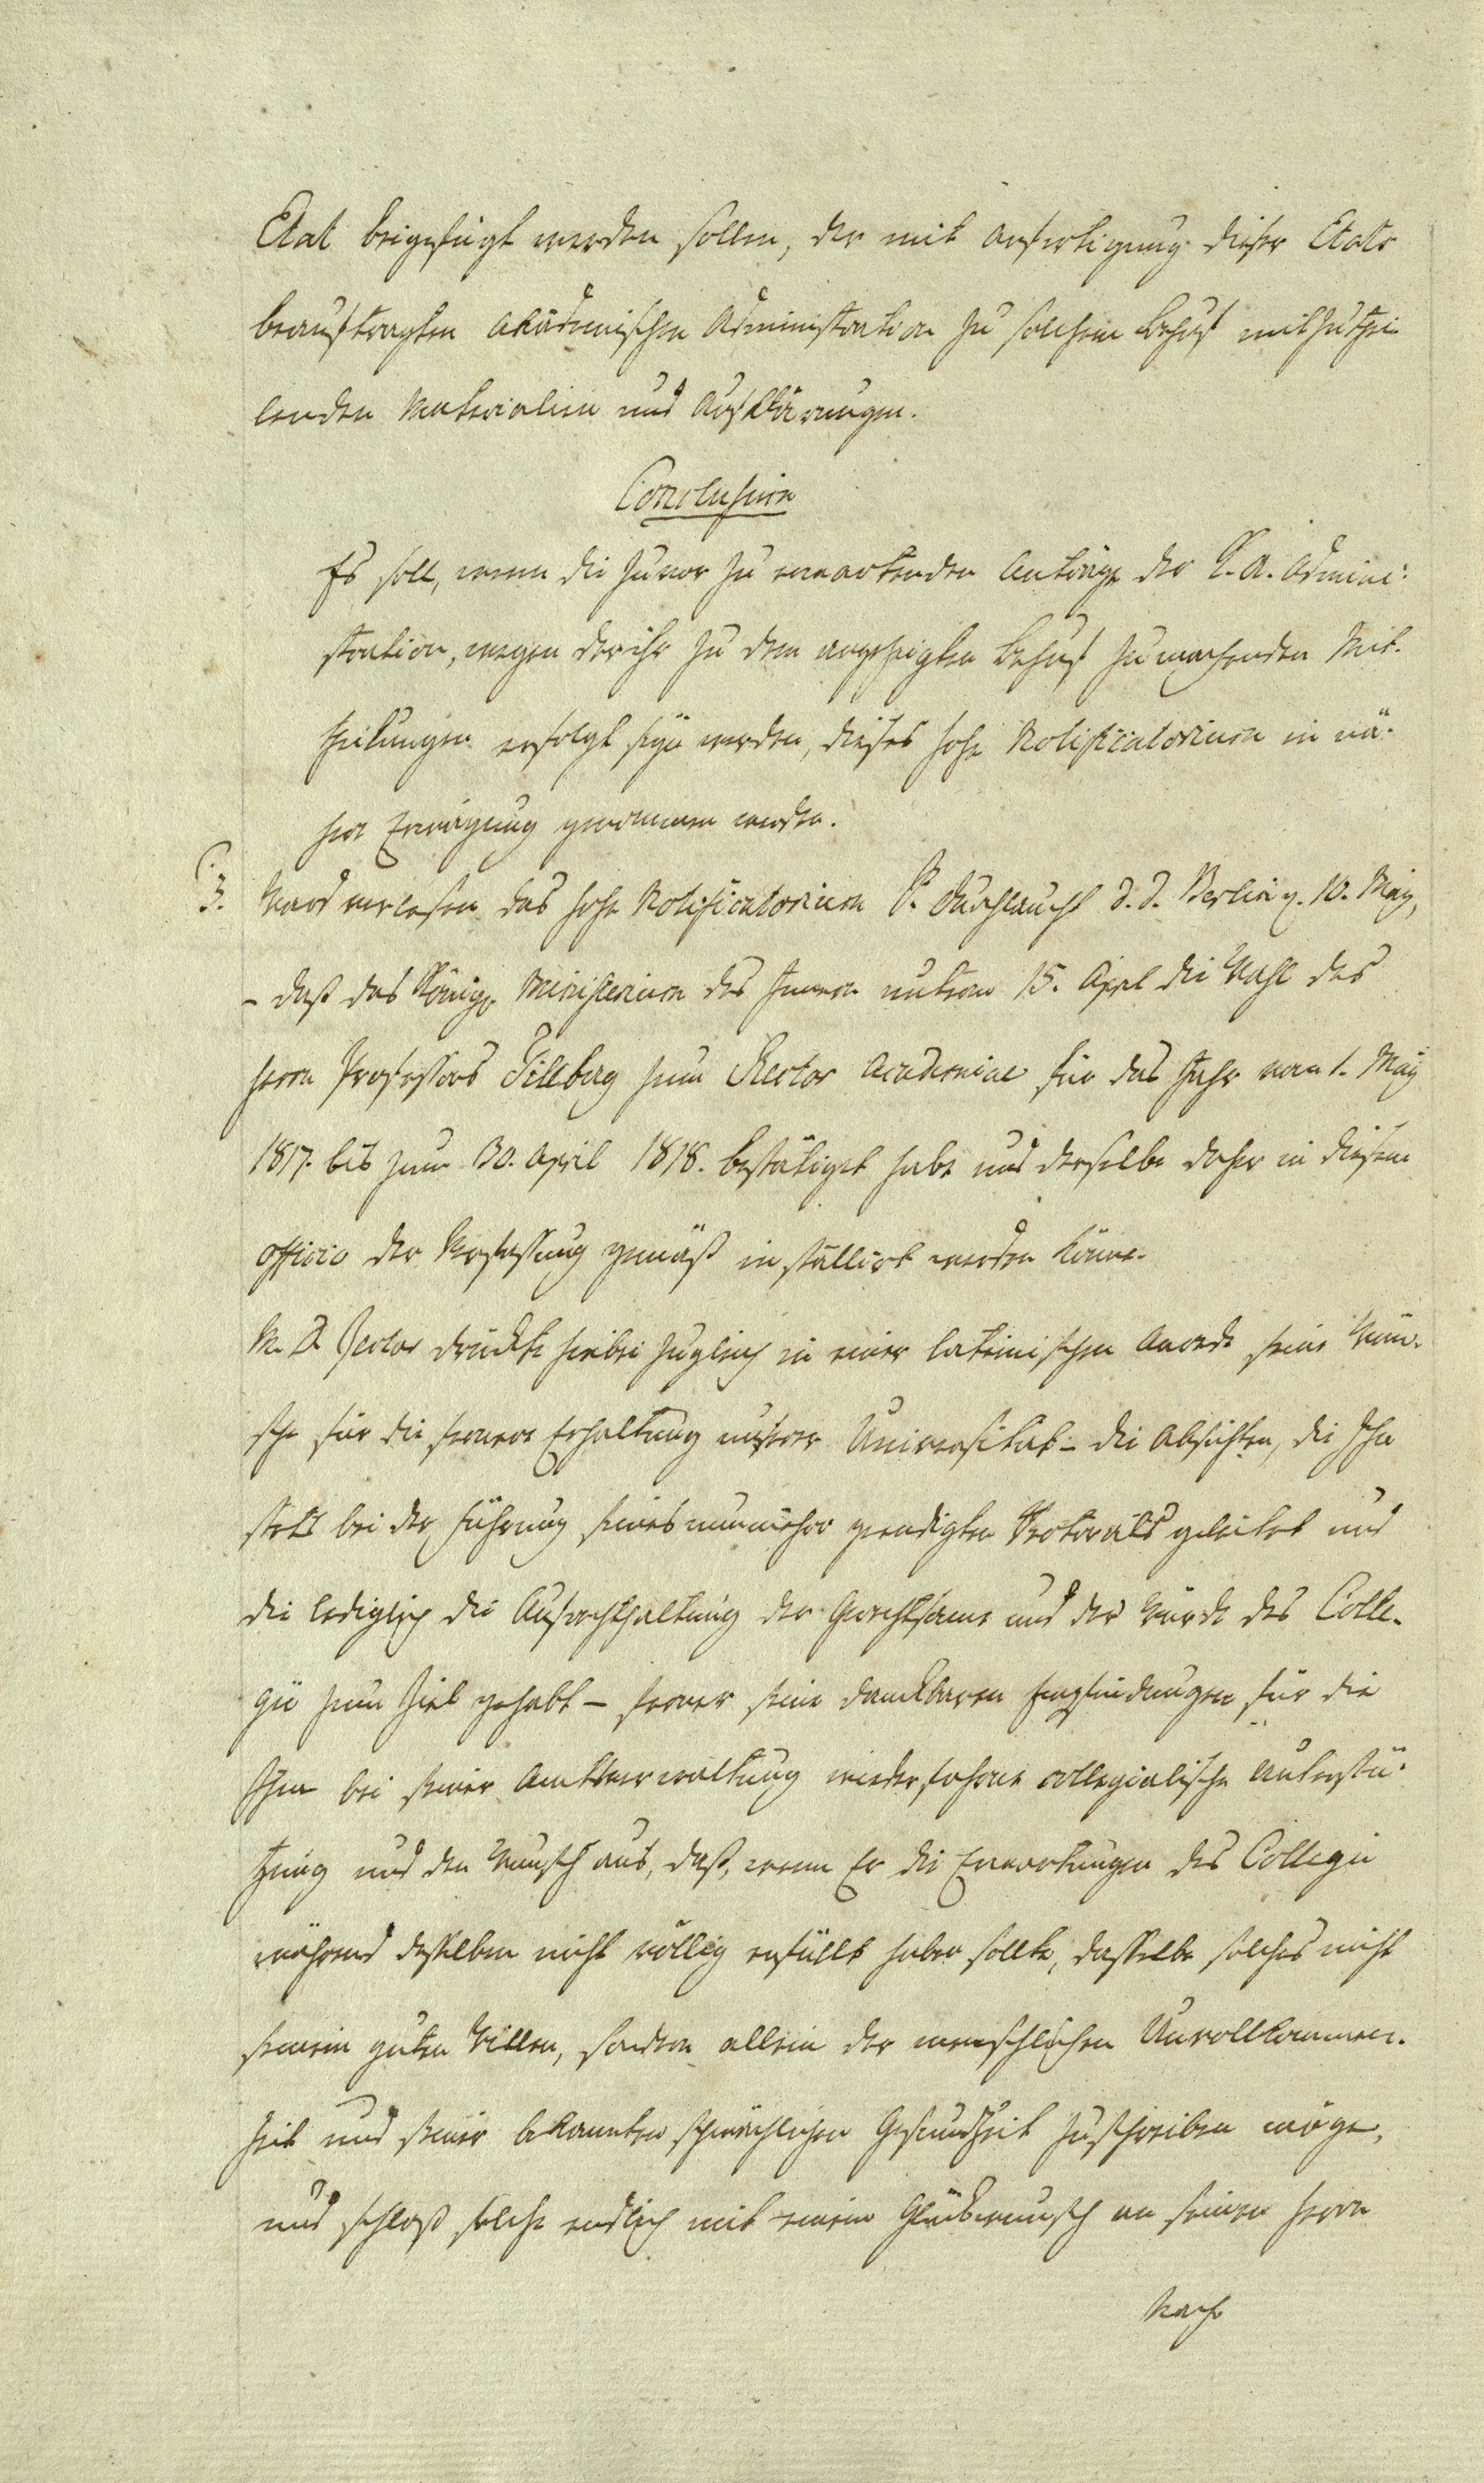Etat beigefügt werden sollen, der mit Anfertigung dieser Etate
beauftragten Akademischen Administration zu solchem Behuf mitzuthei¬
lenden Materialien und Aufklärungen.
Conclusum
Es soll, wenn die zuvor zu erwartenden Anträge der K. A. Admini¬
stration, wegen der ihr zu dem angezeigten Behuf zu machenden Mit¬
theilungen erfolgt seÿn werden, dieses hohe Notificatorium in nä¬
here Erwägung genommen werden.
3. Ward verlesen es hohe Notificatorium Sr. Durchlaucht d. d. Berlin, 12 Maÿ,
daß des Königl. Ministrum des nur unterm 1. April die Wahl des
dem Professors Tillberg zum Rector Academie für das Jahr v. 1. Maÿ
1817 bis zum 30. April 1818. bestätiget habe und derselbe daher in diesem
officio der Verfassung gemäß inställirt werden könne.
M. D. Rector drückte hiebei zugleich in einer lateinischen Anrede seine Wün¬
sche für die fernere Erhaltung unter Universität - die Absichten, die Ihn
stets bei der Führung seines nunmehro geendigten Rectorats geleitet und
die lediglich die Aufrechthaltung der Gerechtsame und der Würde des Colle¬
gii zum Ziel gehabt - ferner seine danckbaren Empfindungen für die
Ihm bei seiner Amtsverwaltung wiederfahrne collegialische Unterstü¬
tzung und den Wunsch aus, daß, von Er die Erwartungen des Collegii
während desselben nicht völlig erfüllt haben sollte, dasselbe solches nicht
seinem guten Willen, sondern allein der menschlichen Unvollkommen¬
heit und seiner bekannten schwächlichen Gesundheit zuschreiben möge,
und schloß solche endlich mit einem Glückwunsch an seinen Herrn
Nach¬